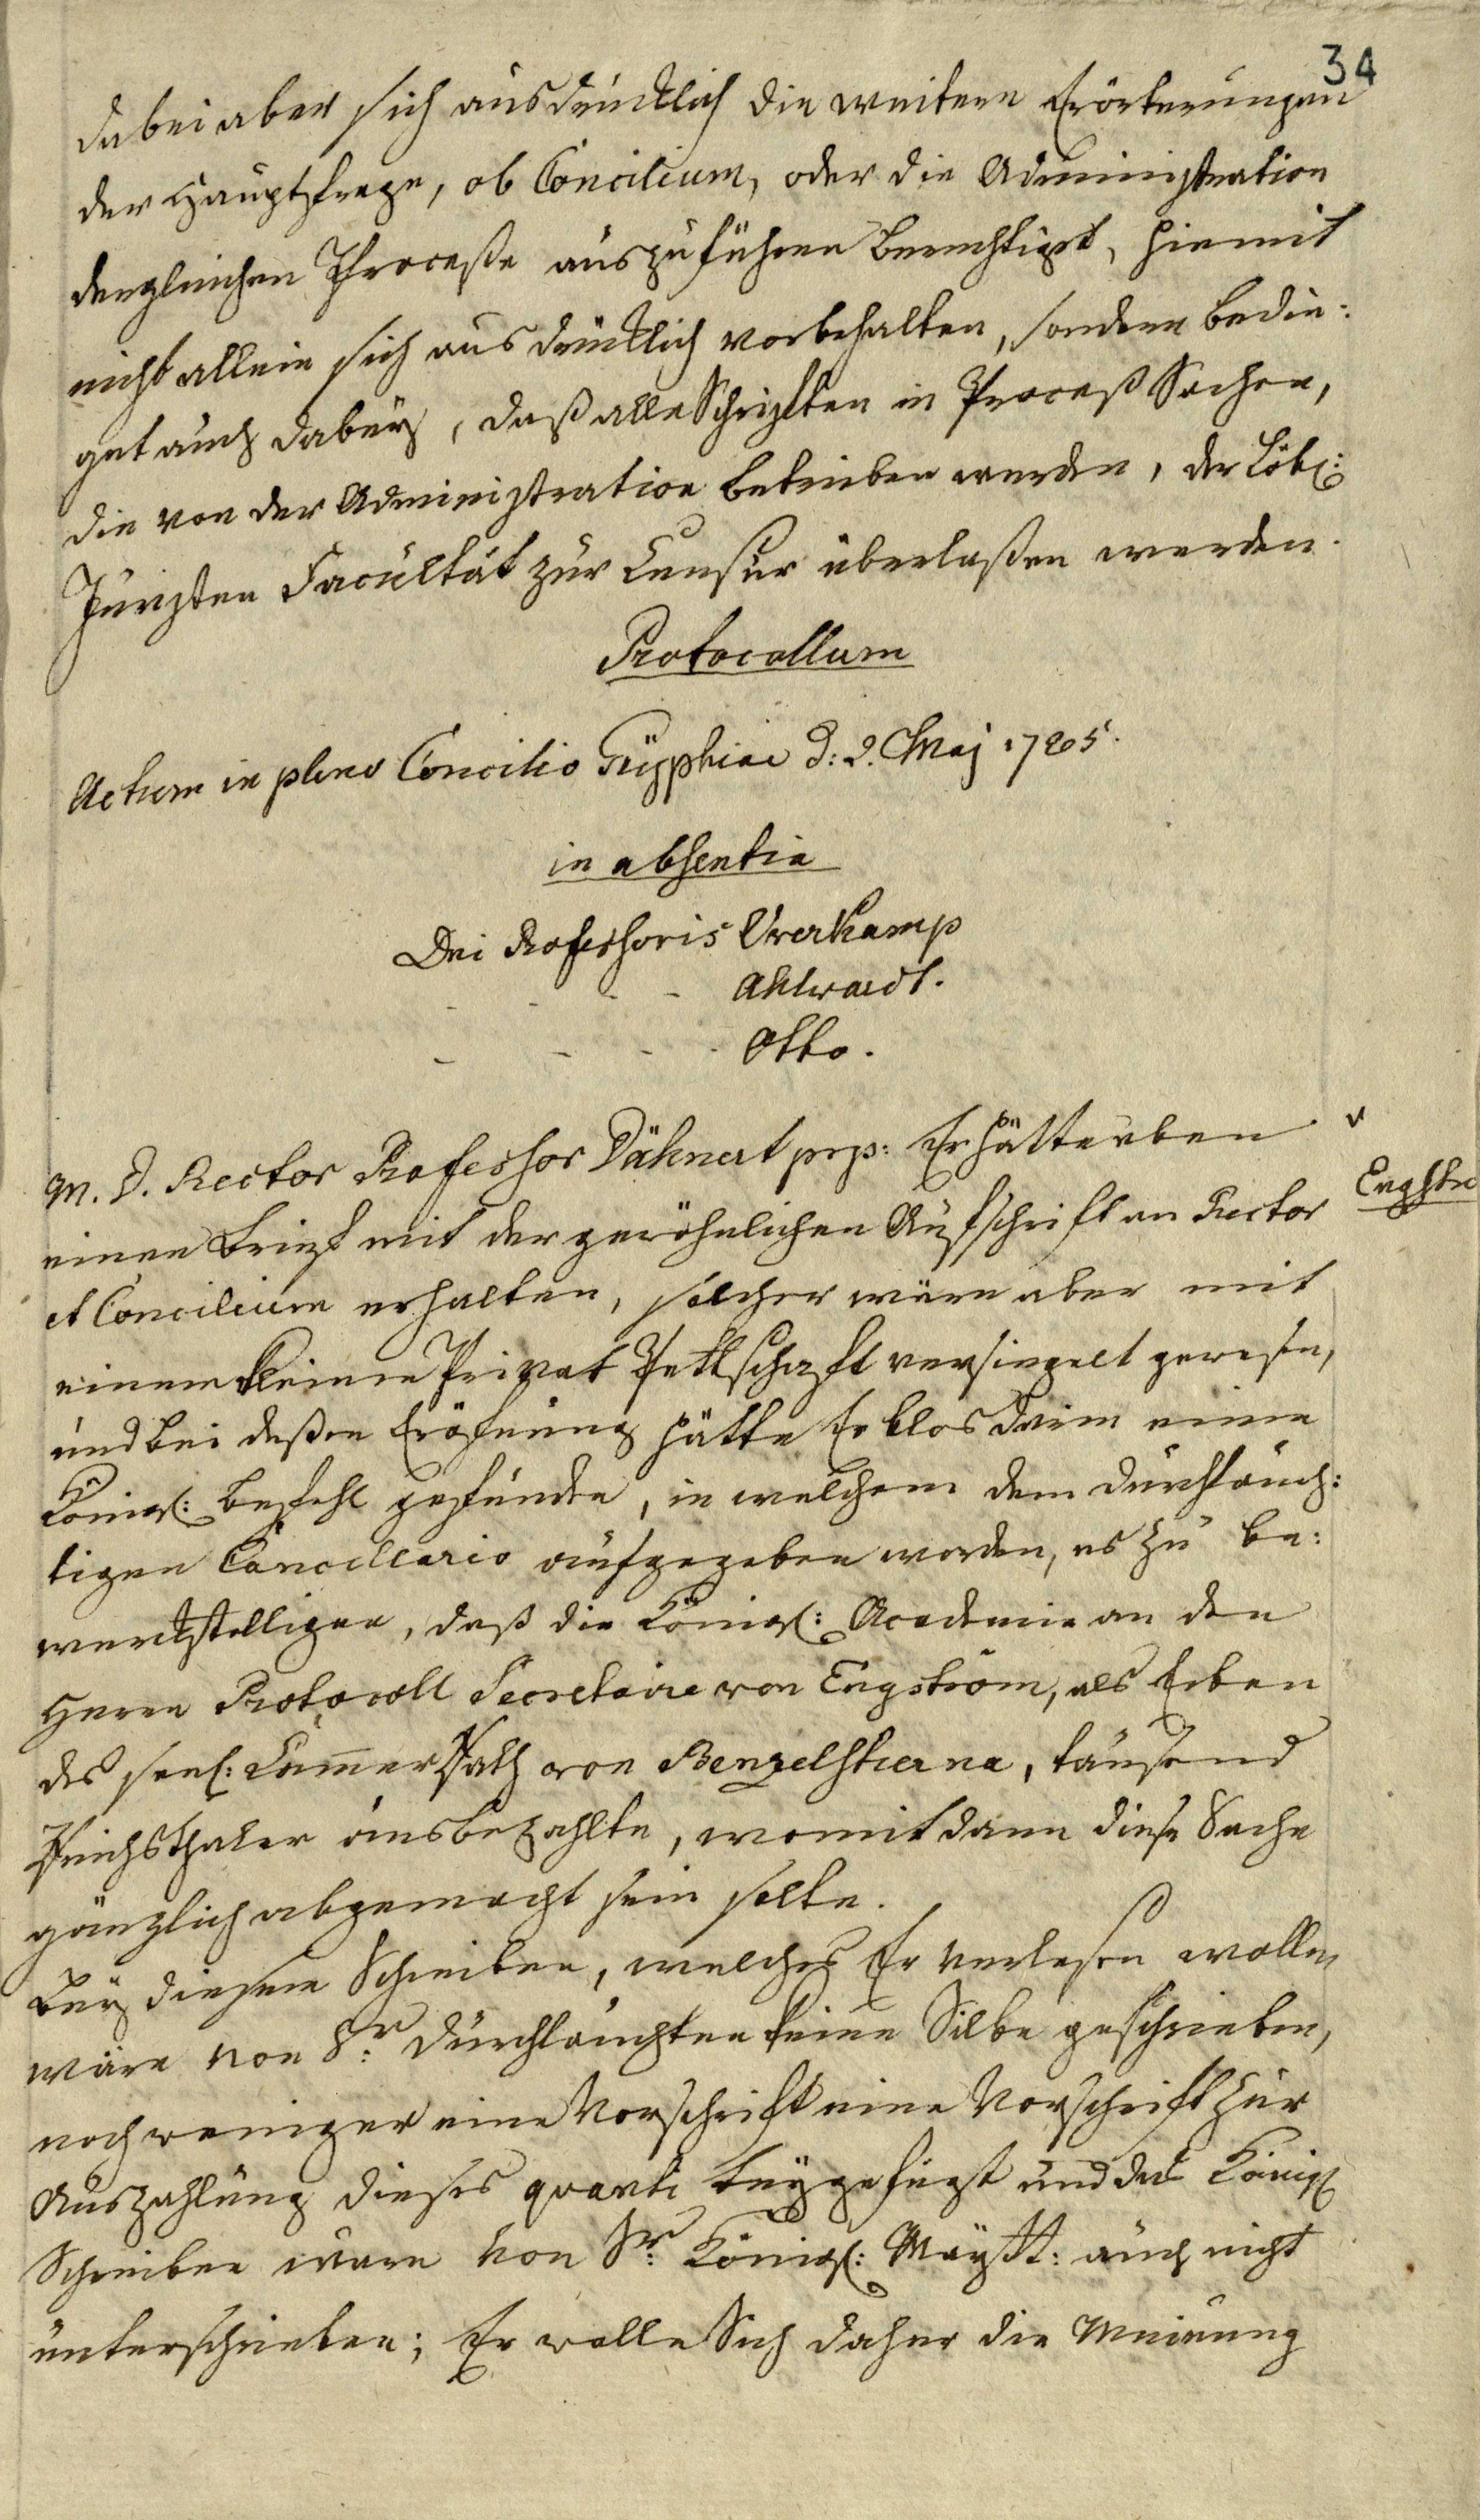dabei aber sich ausdrücklich die weitern Erörterungen
der Hauptfrage, ob Concilium, oder die Administration
dergleichen Processe auszuführen berechtiget, hiemit
nicht allein sich ausdrücklich vorbehalten, sondern bedin¬
get auch dabeÿ, daß alle Schriften in Proceß Sachen,
die von der Administration betrieben werden, der Löbl.
Juristen Facultät zur Censur überlassen werden.
Protocollum
Actum in pleno Concilio Grÿphiae d. 2. Maj 1785.
in absentia
Dei Professoris Overkamp
Ahlwardt.
Otto.
M. D. Rector Professor Dähnert prp. Er hätte eben
einen Brief mit der gewöhnlichen Aufschrift an Rector
et Concilium erhalten, solcher wäre aber mit
einem kleinen Privat Pettschaft versiegelt gewesen,
und bei deßen Eröfnung hätte Er blos darin einen
Königl. Befehl gefunden, in welchem dem durchlauch¬
tigen Cancellario aufgegeben worden, es zu be¬
werckstelligen, daß die Königl. Academie an den
Herrn Protocoll Secretaire von Engström, als Erben
des seel. CamerRath von Benzelstierna, tausend
Reichsthaler ausbezahlte, womit dann diese Sache
gänzlich abgemacht sein solte.
Beÿ diesem Schreiben, welches Er verlesen wolle,
wäre von Sr. Durchlauchten keine Silbe geschrieben,
noch weniger eine Vorschrift eine Vorschrift zur
Auszahlung dieses quanti beÿgefügt und das Königl.
Schreiben wäre von Sr Königl. Maÿtt. auch nicht
unterschrieben; Er wolle Sich daher die Meinung